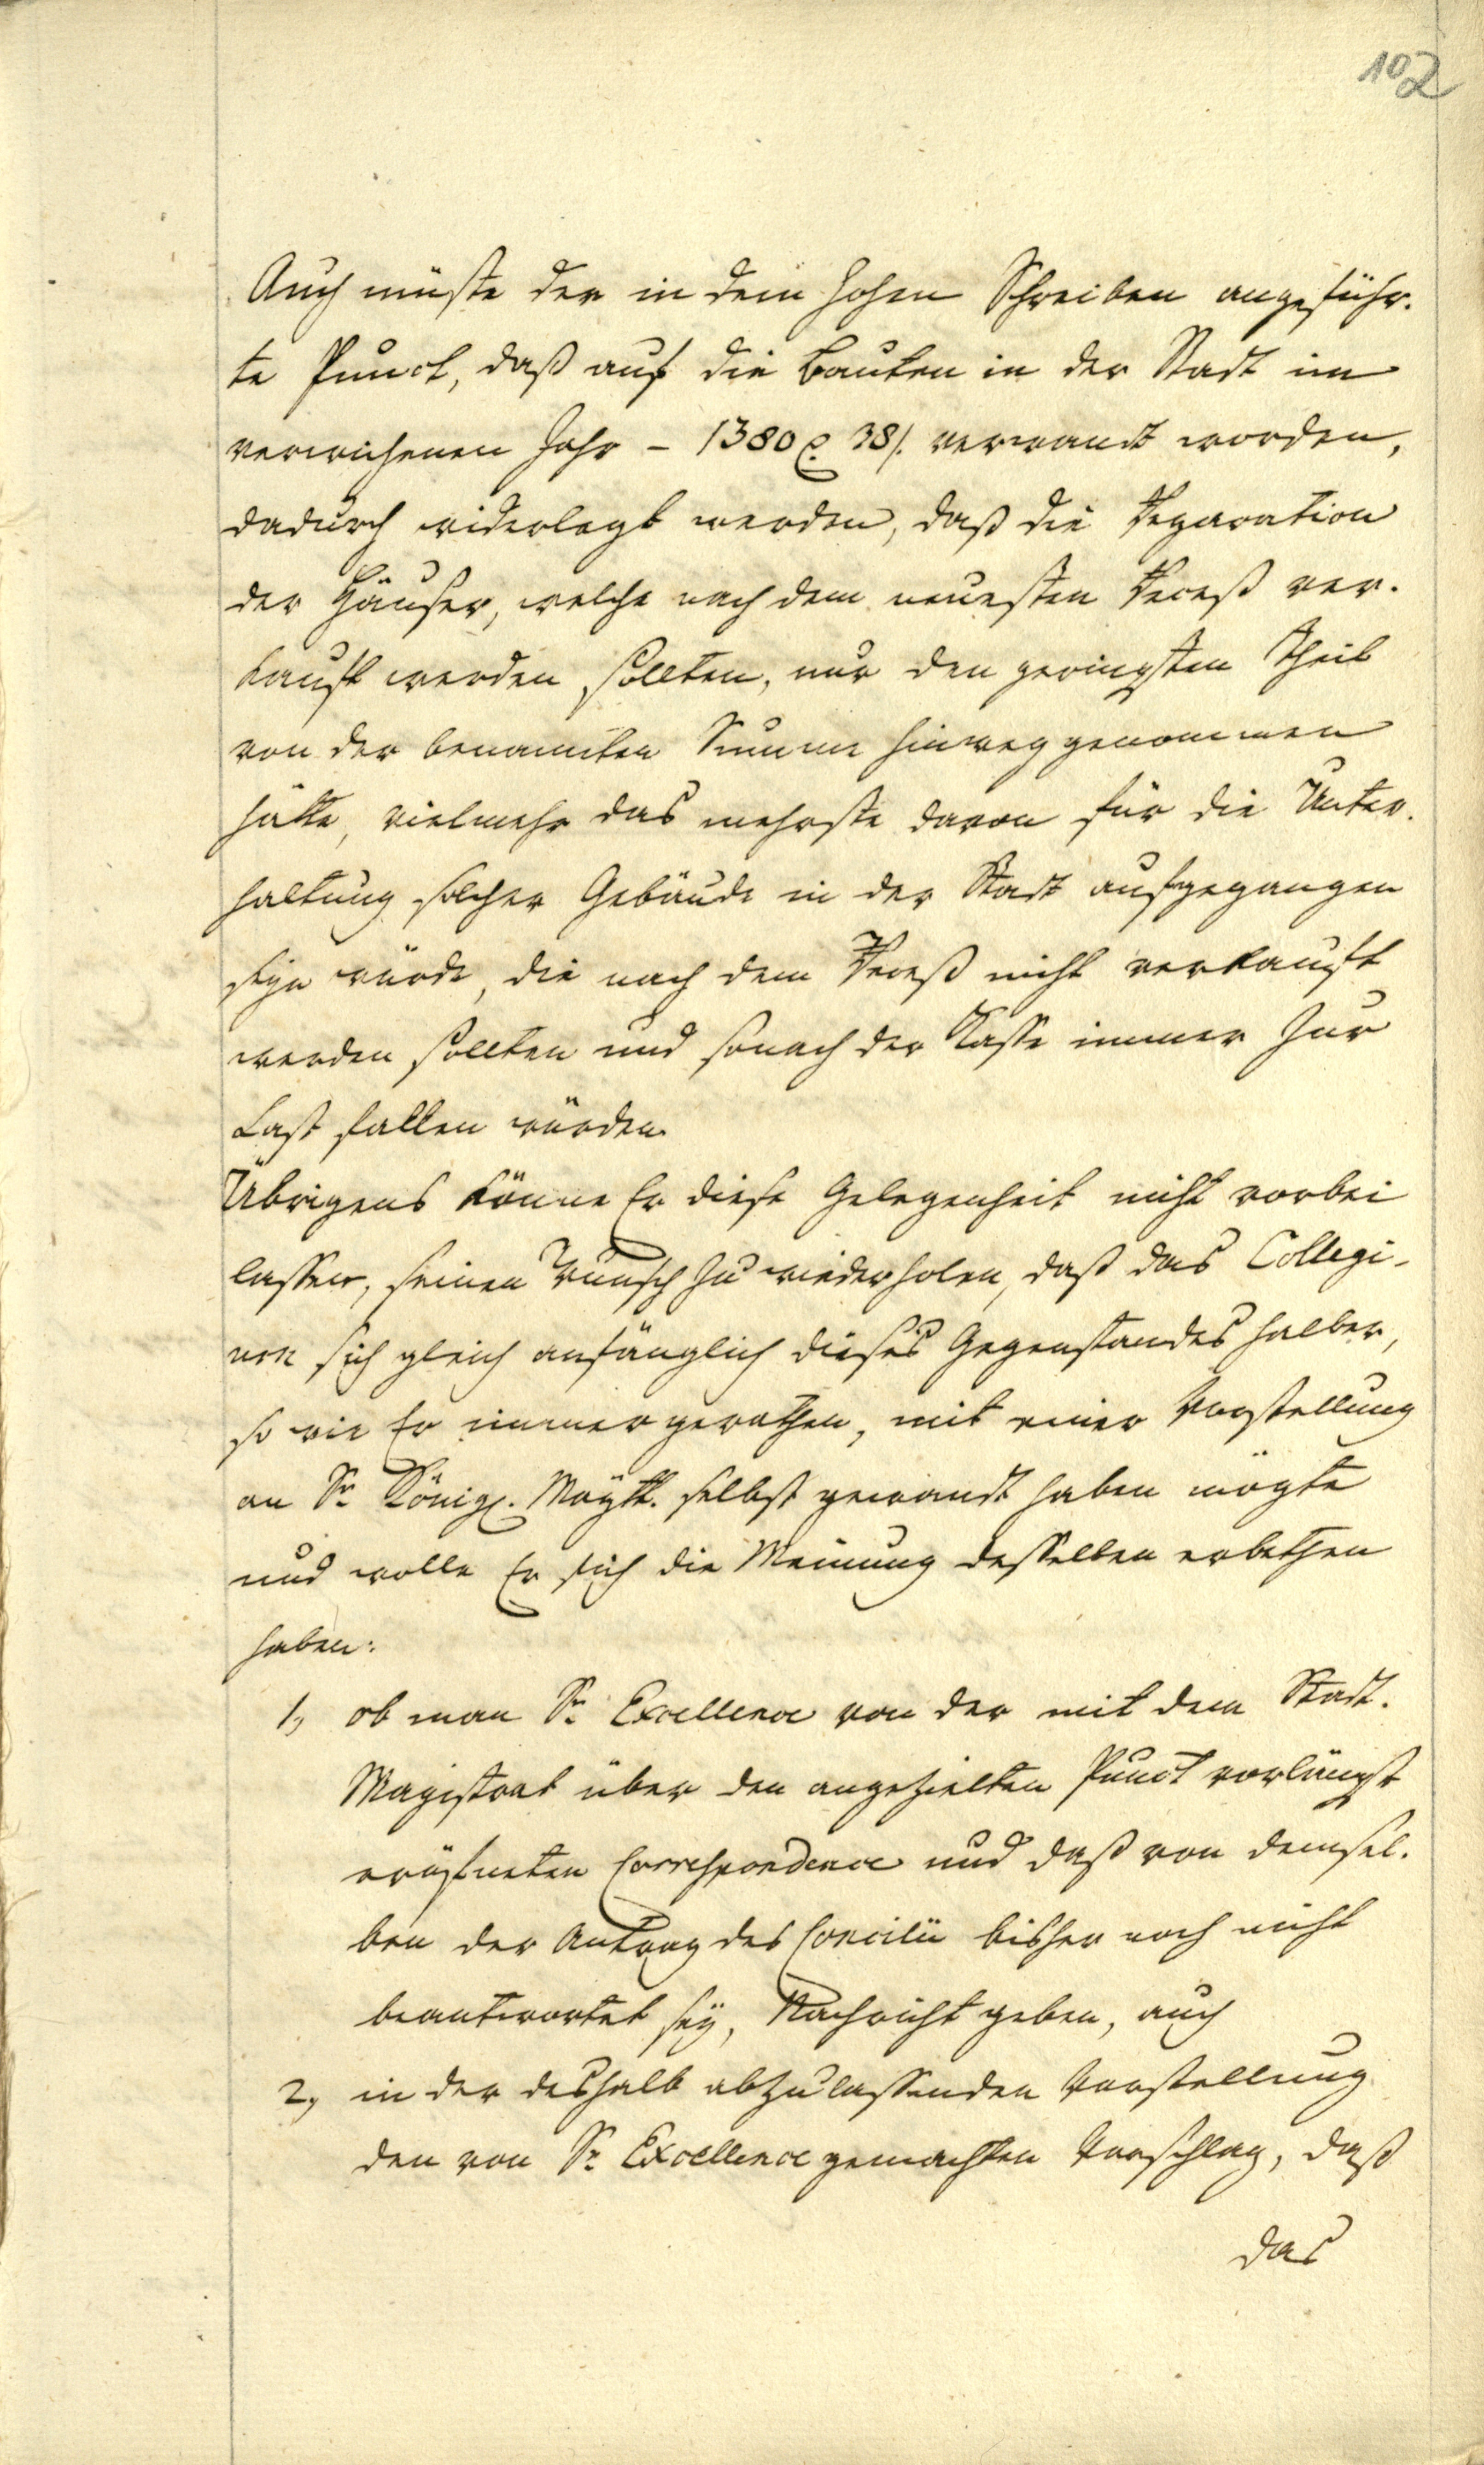Auch müsste der in dem hohen Schreiben angeführ¬
te Punct, daß auf die Bauten in der Stadt im
verwichenen Jahr 1380 l. 38 s. verwandt worden,
dadurch widerlegt werden, daß die Reparation
der Häuser, welche nach dem neuesten Receß ver¬
kauft werden sollten, nur den geringsten Theil
von der benannten Summe hinweg genommen
hätte, vielmehr das mehrste davon für die Unter¬
haltung solcher Gebäude in der Stadt aufgegangen
seÿn würde, die nach dem Receß nicht verkauft
werden sollten und sonach der Kasse immer zur
Last fallen würden.
Übrigens könne Er diese Gelegenheit nicht vorbei
lassen, seinen Wunsch zu wiederholen, daß das Collegi¬
um sich gleich anfänglich dieses Gegenstandes halber,
so wie Er immer gerathen, mit einer Vorstellung
an Sr Königl. Maÿtt. selbst gewandt haben mögte
und wolle Er sich die Meinung desselben erbethen
haben:
1., ob man Sr Excellence von der mit dem Stadt¬
Magistrat über den angezielten Punct vorlängst
eröfneten Correspondence und daß von demsel¬
ben der Antrag des Concilii bisher noch nicht
beantwortet seÿ, Nachricht geben, auch
2., in der deshalb abzulassenden Vorstellung
den von Sr Excellence gemachten Vorschlag, daß
das